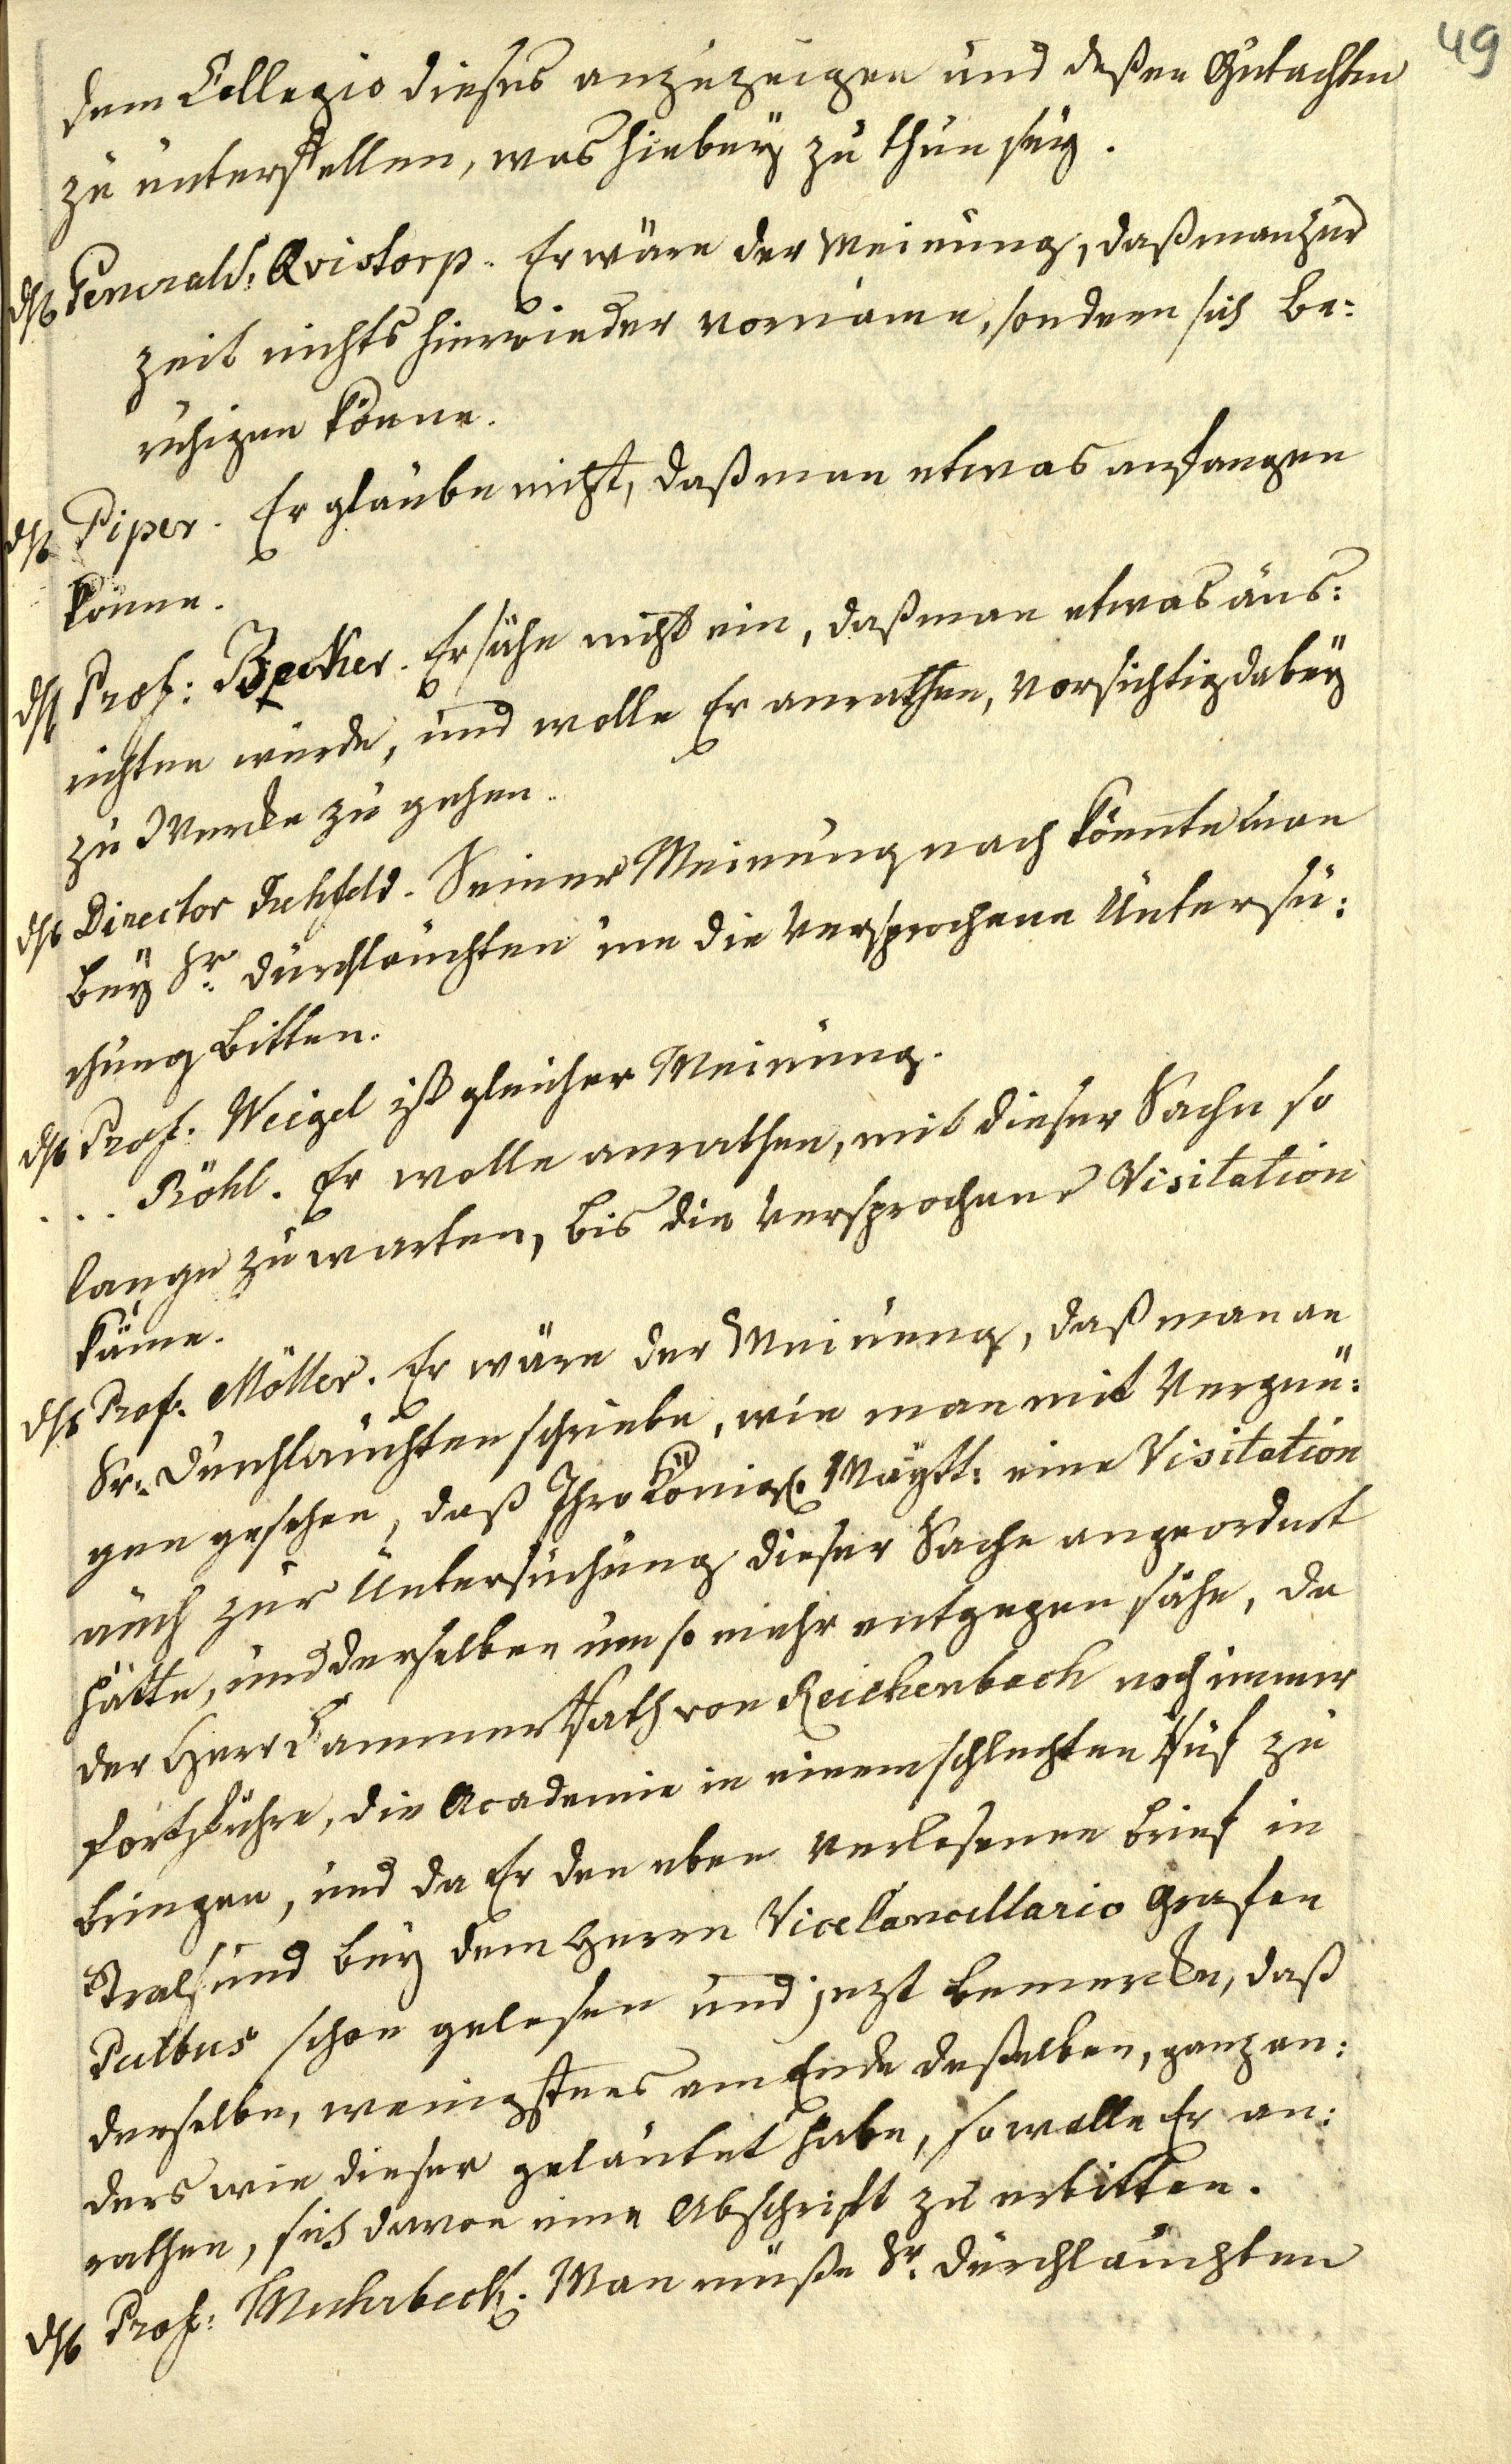dem Collegio dieses anzuzeigen und deßen Gutachten
zu unterstellen, was hiebeÿ zu thun seÿ.
dh. GeneralS. Quistorp. Er wäre der Meinung, daß man zur
Zeit nichts hierwieder vornäme, sondern sich be¬
ruhigen könne.
dh. Piper. Er glaube nicht, daß man etwas anfangen
könne.
dh Prof. Becker. Er sähe nicht ein, daß man etwas aus¬
richten würde, und wolle Er anrathen, vorsichtig dabeÿ
zu Wercke zu gehen.
dh. Director Rehfeld. Seiner Meinung nach könnte man
beÿ Sr Durchlauchten um die versprochene Untersu¬
chung bitten.
dh Prof. Weigel ist gleicher Meinung.
Röhl. Er wolle anrathen, mit dieser Sache so
lange zu warten, bis die versprochene Visitation
käme.
dh. Prof Möller. Er wäre der Meinung, daß man an
Sr Durchlauchten schriebe, wie man mit Vergnü¬
gen gesehen, daß Ihro Königl. Maÿtt. eine Visitation
auch zur Untersuchung dieser Sache angeordnet
hätte, und derselben um so mehr entgegen sähe, da
der Herr CammerRath von Reichenbach noch immer
fortführe, die Academie in einem schlechten Ruf zu
bringen, und da Er den eben verlesenen Brief in
Stralsund beÿ dem Herrn Vice Cancellario Grafen
Putbus schon gelesen und jezt bemercke, daß
derselbe, wenigstens am Ende deßelben, ganz an¬
ders wie dieser gelautet habe, so wolle Er an¬
rathen, sich davon eine Abschrift zu erbitten.
dh Prof. Muhrbeck. Man müße Sr Durchlauchten